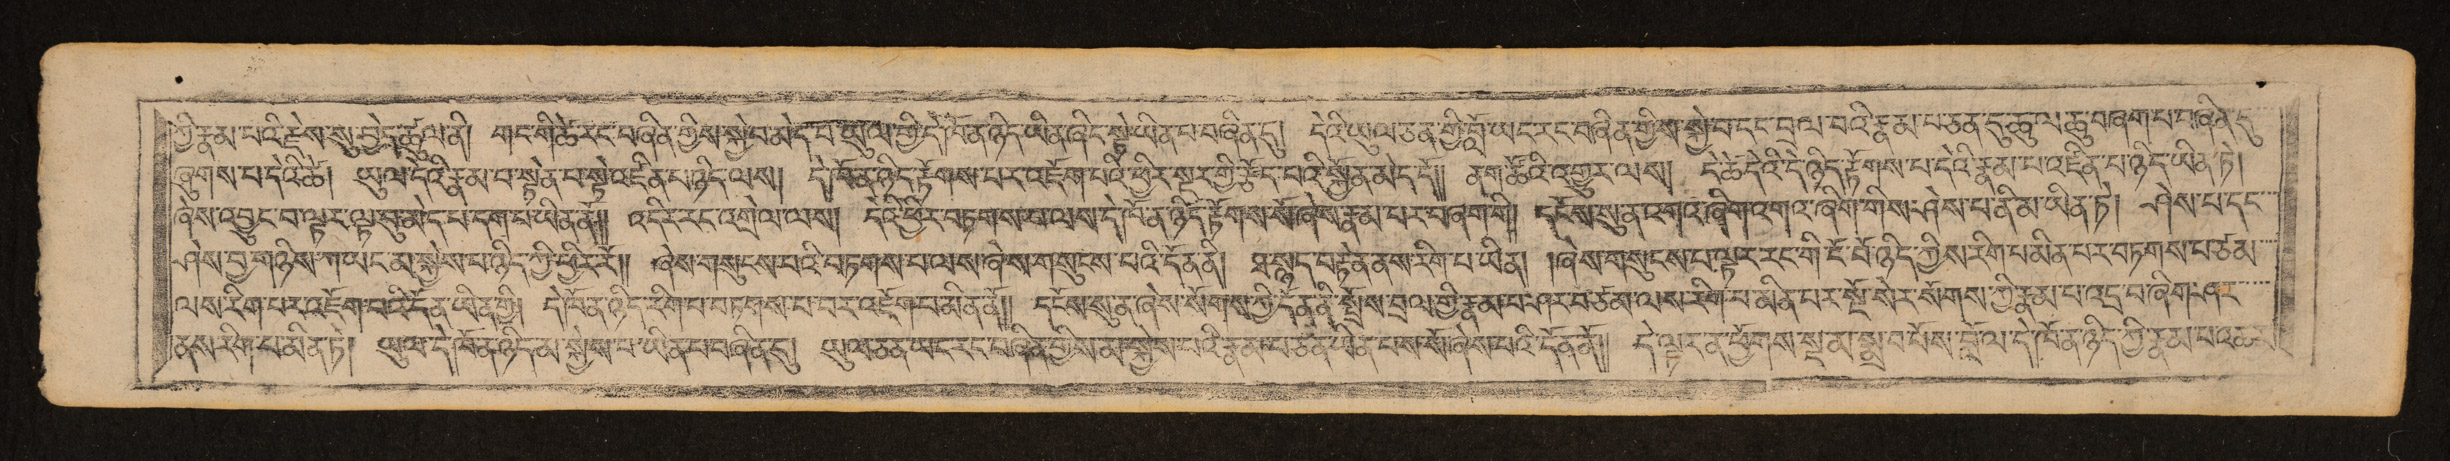ཀྱི་རྣམ་པའི་རྗེས་སུ་བྱེད་ཚུལ་ནི། གང་གི་ཚེ་རང་བཞིན་གྱིས་སྐྱེ་བ་མེད་པ་ཡུལ་གྱི་དེ་ཁོ་ན་ཉིད་ཡིན་ཞིང་སྟེ་ཡིན་པ་བཞིན་དུ། དེའི་ཡུལ་ཅན་གྱི་བློ་ཡང་རང་བཞིན་གྱིས་སྐྱེ་བ་དང་བྲལ་བའི་རྣམ་པ་ཅན་དུ་ཆུ་ལ་ཆུ་བཞག་པ་བཞིན་དུ་
ཞུགས་པ་དེའི་ཚེ། ཡུལ་དེའི་རྣམ་པ་སྟེན་པ་སྟེ་འཛིན་པ་ཉིད་ལས། དེ་ཁོ་ན་ཉིད་རྟོགས་པར་འཇོག་པའི་ཕྱིར་སྔར་གྱི་རྩོད་པའི་སྐྱོན་མེད་དོ།། ནག་ཚོའི་འགྱུར་ལས། དེ་ཚེ་དེའི་དེ་ཉིད་རྟོགས་པ་དེའི་རྣམ་པ་འཛིན་པ་ཉིད་ཡིན་ཏེ།
ཞེས་འབྱུང་བ་ལྟར་ལྟ་བུ་མེད་པ་དག་པ་ཡིན་ནོ།། འདིར་རང་འགྲེལ་ལས། དེའི་ཕྱིར་བཏགས་པ་ལས་དེ་ཁོ་ན་ཉིད་རྟོགས་སོ་ཞེས་རྣམ་པར་བཞག་གི། དངོས་སུ་ན་འགའ་ཞིག་འགའ་ཞིག་གིས་ཤེས་པ་ནི་མ་ཡིན་ཏེ། ཤེས་པ་དང་
ཤེས་བྱ་གཉིས་ཀ་ཡང་མ་སྐྱེས་བ་ཉིད་ཀྱི་ཕྱིར་རོ།། ཞེས་གསུངས་པའི་བཏགས་པ་ལས་ཞེས་གསུངས་པའི་དོན་ནི། ཐ་སྙད་བརྟེན་ནས་རིག་པ་ཡིན། །ཞེས་གསུངས་པ་ལྟར་རང་གི་ངོ་བོ་ཉིད་ཀྱིས་རིག་པ་མིན་པར་བཏགས་པ་ཙམ་
ལས་རིག་པར་འཇོག་པའི་དོན་ཡིན་གྱི། དེ་ཁོ་ན་ཉིད་རིག་པ་བཏགས་པ་བར་འཇོག་པ་མིན་ནོ།། དངོས་སུ་ན་ཞེས་སོགས་ཀྱི་དོན་ནི་སྤྲོས་བྲལ་གྱི་རྣམ་པ་ཤར་བ་ཙམ་ལས་རིག་པ་མིན་པར་སྔོ་སེར་སོགས་ཀྱི་རྣམ་པ་འདྲ་བ་ཞིག་ཤར་
ནས་རིག་པ་མིན་ཏེ། ཡུལ་དེ་ཁོ་ན་ཉིད་མ་སྐྱེས་པ་ཡིན་པ་བཞིན་དུ། ཡུལ་ཅན་ཡང་རང་བཞིན་གྱིས་མ་སྐྱེས་པའི་རྣམ་པ་ཅན་ཡིན་པས་སོ་ཞེས་པའི་དོན་ནོ།། དེ་ལྟར་ན་ཕྱོགས་སྔ་མ་སྨྲ་བ་པོས་བློ་ལ་དེ་ཁོ་ན་ཉིད་ཀྱི་རྣམ་པ་འཆར་